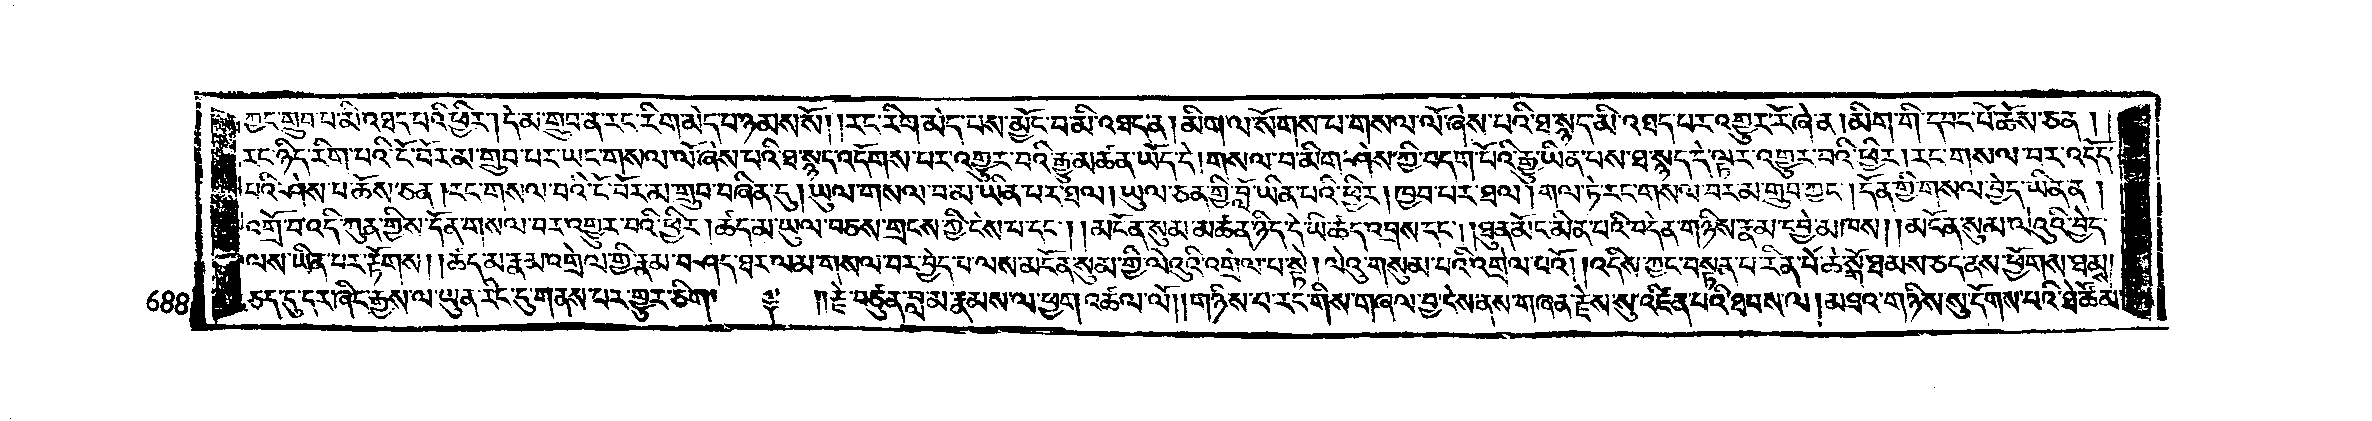ཀྱང་གྲུབ་པ་མི་འཐད་པའི་ཕྱིར། དེ་མ་གྲུབ་ན་རང་རིག་མེད་པ་ཉམས་སོ། །རང་རིག་མེད་པས་མྱོང་བ་མི་འཐད་ན། མིག་ལ་སོགས་པ་གསལ་ལོ་ཞེས་པའི་ཐ་སྙད་མི་འཐད་པར་འགྱུར་རོ་ཞེ་ན། མིག་གི་དབང་པོ་ཆོས་ཅན། །
རང་ཉིད་རིག་པའི་ངོ་བོར་མ་གྲུབ་པར་ཡང་གསལ་ལོ་ཞེས་པའི་ཐ་སྙད་འདོགས་པར་འགྱུར་བའི་རྒྱུ་མཚན་ཡོད་དེ། གསལ་བ་མིག་ཤེས་ཀྱི་བདག་པོའི་རྒྱུ་ཡིན་པས་ཐ་སྙད་དེ་ལྟར་འགྱུར་བའི་ཕྱིར། རང་གསལ་བར་འདོད་
པའི་ཤེས་པ་ཆོས་ཅན། རང་གསལ་བའི་ངོ་བོར་མ་གྲུབ་བཞིན་དུ། ཡུལ་གསལ་བ་མ་ཡིན་པར་ཐལ། ཡུལ་ཅན་གྱི་བློ་ཡིན་པའི་ཕྱིར། ཁྱབ་པར་ཐལ། གལ་ཏེ་རང་གསལ་བར་མ་གྲུབ་ཀྱང་། དོན་གྱི་གསལ་བྱེད་ཡིན་ན།
འགྲོ་བ་འདི་ཀུན་གྱིས་དོན་གསལ་བར་འགྱུར་བའི་ཕྱིར། ཚད་མ་ཡུལ་བཅས་གྲངས་ཀྱི་ངེས་པ་དང་། །མངོན་སུམ་མཚན་ཉིད་དེ་ཡི་ཚད་འབྲས་དང་། །ཐུན་མོང་མིན་པའི་བདེན་གཉིས་རྣམ་དབྱེ་མཁས། །མངོན་སུམ་ལེའུའི་བྱེད་
ལས་ཡིན་པར་རྟོགས། །ཚད་མ་རྣམ་འགྲེལ་གྱི་རྣམ་བཤད་ཐར་ལམ་གསལ་བར་བྱེད་པ་ལས་མངོན་སུམ་གྱི་ལེའུའི་འགྲེལ་པ་སྟེ། ལེའུ་གསུམ་པའི་འགྲེལ་པའོ། །འདིས་ཀྱང་བསྟན་པ་རིན་པོ་ཆེ་སྒོ་ཐམས་ཅད་ནས་ཕྱོགས་ཐམས་
ཅད་དུ་དར་ཞིང་རྒྱས་ལ་ཡུལ་རིང་དུ་གནས་པར་གྱུར་ཅིག། ༈ །།རྗེ་བཙུན་བླ་མ་རྣམས་ལ་ཕྱག་འཚལ་ལོ། །གཉིས་པ་རང་གིས་གཞལ་བྱ་ངེས་ནས་གཞན་རྗེས་སུ་འཛིན་པའི་ཐབས་ལ། མཐའ་གཉིས་སུ་དོགས་པའི་ཐེ་ཚོམ་